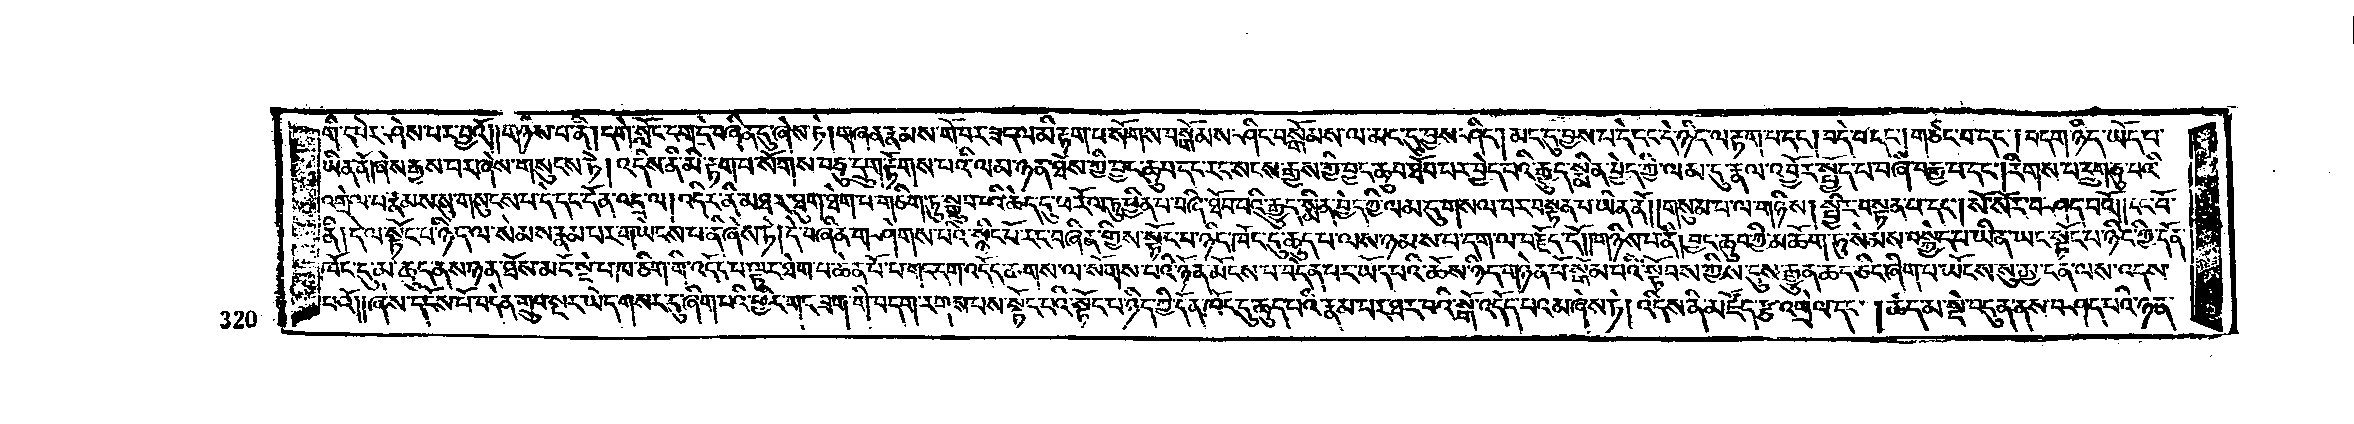གི་དཔེར་ཤེས་པར་བྱའོ། །གཉིས་པ་ནི། དགེ་སློང་དག་དེ་བཞིན་དུ་ཞེས་ཏེ། གཞན་རྣམས་གོ་བར་ཟད་ལ་མི་རྟག་པ་སོགས་བསྒོམས་ཤིང་བསྒོམས་ལ་མང་དུ་བྱས་ཤིང་། མང་དུ་བྱས་པ་དེ་དང་དེ་ཉིད་ལ་རྟག་པ་དང་། བདེ་བ་དང་། གཙང་བ་དང་། བདག་ཉིད་ཡོད་པ་
ཡིན་ནོ། ཞེས་རྒྱས་པར་ཞེས་གསུངས་ཏེ། འདིས་ནི་མི་རྟག་པ་སོགས་བཅུ་དྲུག་རྟོགས་པའི་ལམ་ཉན་ཐོས་ཀྱི་བྱང་ཆུབ་དང་རང་སངས་རྒྱས་ཀྱི་བྱང་ཆུབ་ཐོབ་པར་བྱེད་པའི་རྒྱུད་སྨིན་བྱེད་ཀྱི་ལམ་དུ་རྣལ་འབྱོར་སྤྱོད་པ་བཞི་བརྒྱ་པ་དང་། རིགས་པ་དྲུག་ཅུ་པའི་
འགྲེལ་པ་རྣམས་སུ་གསུངས་པ་དེ་དང་དོན་འདྲ་ལ། འདིར་ནི་མཐར་ཐུག་ཐེག་པ་གཅིག་ཏུ་སྒྲུབ་པའི་ཆེད་དུ་ཕ་རོལ་ཏུ་ཕྱིན་པ་བཞི་ཐོབ་པའི་རྒྱུད་སྨིན་བྱེད་ཀྱི་ལམ་དུ་གསལ་བར་བསྟན་པ་ཡིན་ནོ། །གསུམ་པ་ལ་གཉིས། སྤྱིར་བསྟན་པ་དང་། སོ་སོར་བཤད་པའོ། །དང་པོ་
ནི༑ དེ་ལ་སྟོང་པ་ཉིད་ལ་སེམས་རྣམ་པར་གཡེངས་པ་ནི་ཞེས་ཏེ། དེ་བཞིན་གཤེགས་པའི་སྙིང་པོ་རང་བཞིན་གྱིས་སྟོང་པ་ཉིད་ཁོང་དུ་ཆུད་པ་ལས་ཉམས་པ་དག་ལ་བརྗོད་དོ། །གཉིས་པ་ནི། བྱང་ཆུབ་ཀྱི་མཆོག་ཏུ་སེམས་བསྐྱེད་པ་ཡིན་ཡང་སྟོང་པ་ཉིད་ཀྱི་དོན་
ཁོང་དུ་མ་ཆུད་ནས་ཉན་ཐོས་མདོ་སྡེ་པ་ཁ་ཅིག་གི་འདོད་པ་ལྟར་ཐེག་པ་ཆེན་པོ་བ་གང་དག་འདོད་ཆགས་ལ་སོགས་པའི་ཉོན་མོངས་པ་བདེན་པར་ཡོད་པའི་ཆོས་ཉིད་གཉེན་པོ་སྒོམ་པའི་སྟོབས་ཀྱིས་དུས་རྒྱུན་ཆད་ཅིང་ཞིག་པ་ཡོངས་སུ་མྱ་ངན་ལས་འདས་
པའོ། །ཞེས་དངོས་པོ་བདེན་གྲུབ་སྔར་ཡེད་གསར་དུ་ཞིག་པའི་ཕྱིར་གང་ཟག་གི་བདག་རགས་པས་སྟོང་པའི་སྟོང་པ་ཉིད་ཀྱི་དོན་ཁོང་དུ་ཆུད་པའི་རྣམ་པར་ཐར་པའི་སྒོ་འདོད་པའམ་ཞེས་ཏེ། འདིས་ནི་མཛོད་རྩ་འགྲེལ་དང་། ཚད་མ་སྡེ་བདུན་ནས་བཤད་པའི་ཉན་